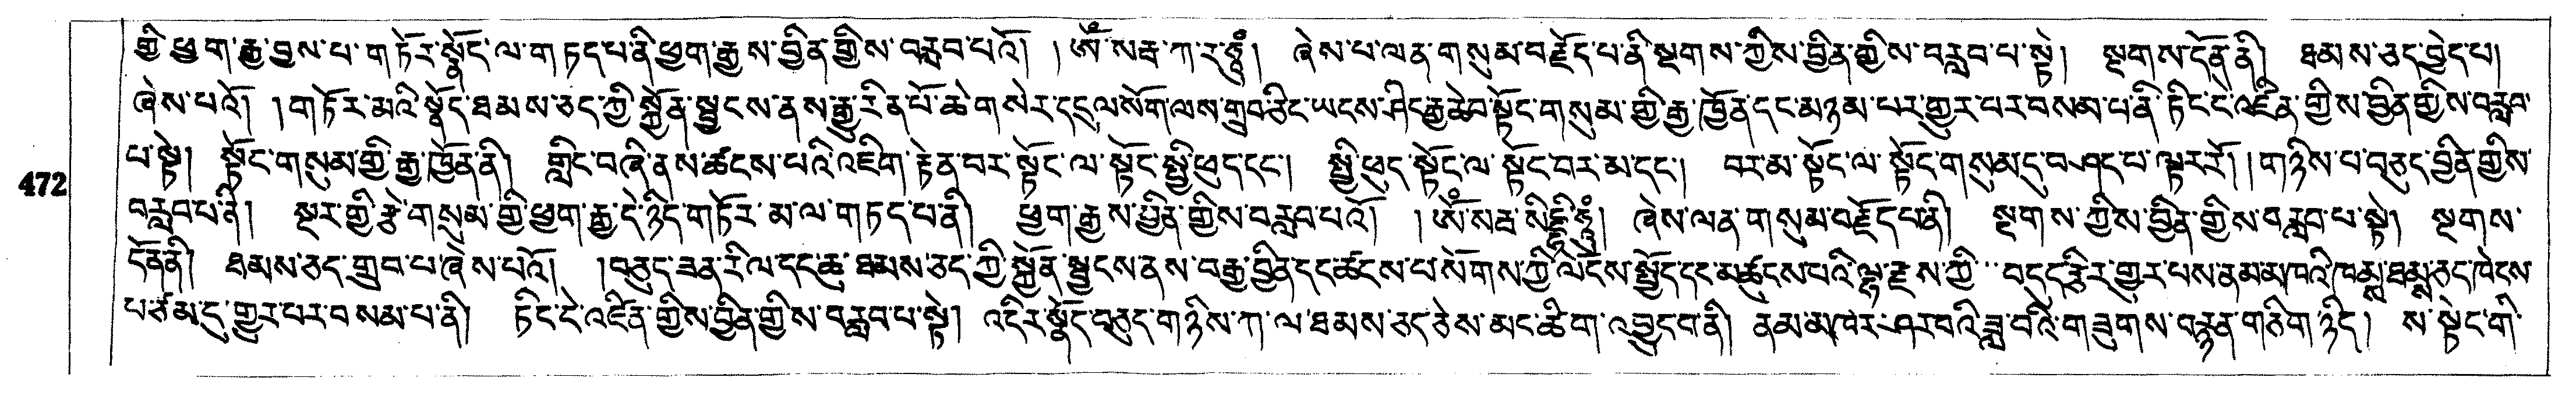གྱི་ཕྱག་རྒྱ་བྱས་པ་གཏོར་སྣོད་ལ་གཏད་པ་ནི་ཕྱག་རྒྱས་བྱིན་གྱིས་བརླབ་པའོ། །ཨོཾ་སརྦ་ཀ་ར་ཧཱུཾ། ཞེས་པ་ལན་གསུམ་བརྗོད་པ་ནི་སྔགས་ཀྱིས་བྱིན་གྱིས་བརླབ་པ་སྟེ། སྔགས་དོན་ནི། ཐམས་ཅད་བྱེད་པ།
ཞེས་པའོ། །གཏོར་མའི་སྣོད་ཐམས་ཅད་ཀྱི་སྐྱོན་སྦྱངས་ནས་རྒྱུ་རིན་པོ་ཆེ་གསེར་དངུལ་སོག་ལས་གྲུབ་ཅིང་ཡངས་ཤིང་རྒྱ་ཆེ་བ་སྟོང་གསུམ་གྱི་རྒྱ་ཁྱོན་དང་མཉམ་པར་གྱུར་བར་བསམ་པ་ནི་ཏིང་ངེ་འཛིན་གྱིས་བྱིན་གྱིས་བརླབ་
པ་སྟེ། སྟོང་གསུམ་གྱི་རྒྱ་ཁྱོན་ནི། གླིང་བཞི་ནས་ཚངས་པའི་འཇིག་རྟེན་བར་སྟོང་ལ་སྟོང་སྤྱི་ཕུད་དང་། སྤྱི་ཕུད་སྟོང་ལ་སྟོང་བར་མ་དང་། བར་མ་སྟོང་ལ་སྟོང་གསུམ་དུ་བཤད་པ་ལྟར་རོ། །གཉིས་པ་བཅུད་བྱིན་གྱིས་
བརླབ་པ་ནི། སྔར་གྱི་རྩེ་གསུམ་གྱི་ཕྱག་རྒྱ་དེ་ཉིད་གཏོར་མ་ལ་གཏད་པ་ནི། ཕྱག་རྒྱས་བྱིན་གྱིས་བརླབ་པའོ། །ཨོཾ་སརྦ་སིདྡྷི་ཧཱུཾ། ཞེས་ལན་གསུམ་བརྗོད་པ་ནི། སྔགས་ཀྱིས་བྱིན་གྱིས་བརླབ་པ་སྟེ། སྔགས་
དོན་ནི། ཐམས་ཅད་གྲུབ་པ་ཞེས་པའོ། །བཅུད་ཟན་རིལ་དང་ཆུ་ཐམས་ཅད་ཀྱི་སྐྱོན་སྦྱངས་ནས་བརྒྱ་བྱིན་དང་ཚངས་པ་སོགས་ཀྱི་ལོངས་སྤྱོད་དང་མཚུངས་པའི་ལྷ་རྫས་ཀྱི་བདུད་རྩིར་གྱུར་པས་ནམ་མཁའི་ཁམས་ཐམས་ཅད་ཁེངས་
པ་ཙམ་དུ་གྱུར་པར་བསམ་པ་ནི། ཏིང་ངེ་འཛིན་གྱིས་བྱིན་གྱིས་བརླབ་པ་སྟེ། འདིར་སྣོད་བཅུད་གཉིས་ཀ་ལ་ཐམས་ཅད་ཅེས་མང་ཚིག་འབྱུང་བ་ནི། ནམ་མཁར་ཤར་བའི་ཟླ་བའི་གཟུགས་བརྙན་གཅིག་ཉིད། ས་སྟེང་གི་